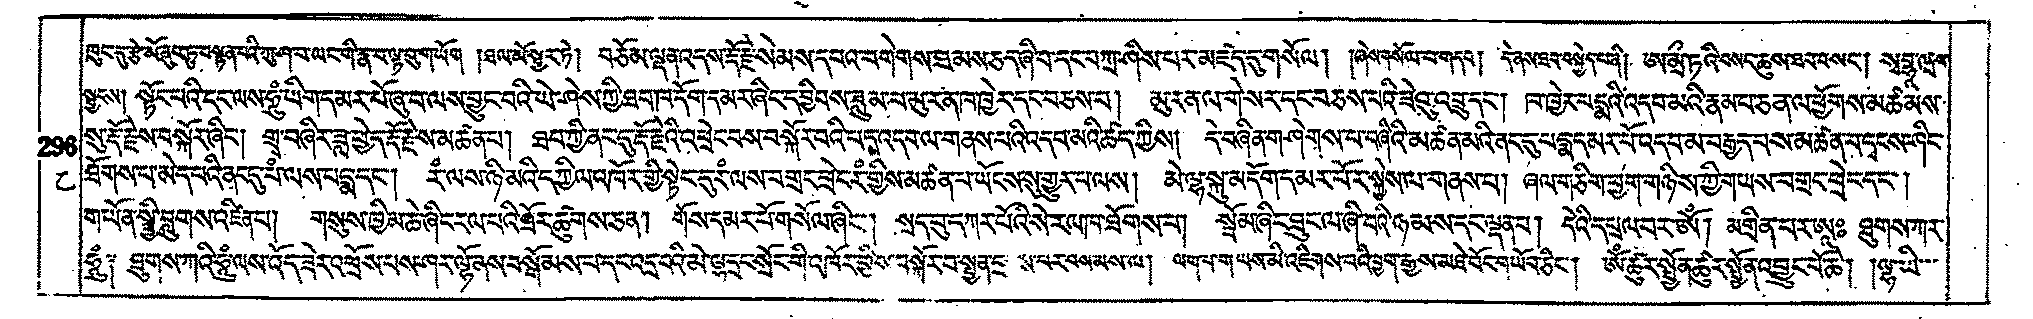ཁུང་དུ་རྩེ་མོ་ནུབ་ཏུ་བསྟན་པའི་ཀུ་ཤ་བ་ལང་གི་རྣ་བ་ལྟ་བུ་གཡོག །ཐལ་མོ་སྦྱར་ཏེ། བཅོམ་ལྡན་འདས་རྡོ་རྗེ་སེམས་དཔའ་བགེགས་ཐམས་ཅད་ཞི་བ་དང་བཀྲ་ཤིས་པར་མཛད་དུ་གསོལ། །ཞེས་གསོལ་བ་གདབ། དེ་ནས་ཐབ་བསྐྱེད་པ་ནི།  ཨ་མྲྀ་ཏའི་བསང་ཆུས་ཐབ་བསང་། སྭབྷཱ་ཝས་
སྦྱངས།  སྟོང་པའི་ངང་ལས་ཧཱུཾ་ཡིག་དམར་པོ་ཞུ་བ་ལས་བྱུང་བའི་ཡེ་ཤེས་ཀྱི་ཐབ་ཁ་དོག་དམར་ཞིང་དབྱིབས་ཟླུམ་པ་མུ་རན་ཁ་ཁྱེར་དང་བཅས་པ། མུ་རན་ལ་གེ་སར་དང་བཅས་པའི་ཟེའུ་འབྲུ་དང་། ཁ་ཁྱེར་པདམའི་འདབ་མའི་རྣམ་པ་ཅན་ལ་ཕྱོགས་མཚམས་
སུ་རྡོ་རྗེས་བསྐོར་ཞིང་། གྲྭ་བཞིར་ཟླ་ཕྱེད་རྡོ་རྗེས་མཚན་པ། ཐབ་ཀྱི་ནང་དུ་རྡོ་རྗེའི་འཕྲེང་བས་བསྐོར་བའི་པད་འདབ་ལ་གནས་པའི་འདབ་མའི་ཚད་ཀྱིས། དེ་བཞིན་གཤེགས་པ་བཞིའི་མཚན་མའི་ནང་དུ་པདམ་དམར་པོ་འདབ་མ་བརྒྱད་པས་མཚན་པ་དྭངས་ཤིང་
ཐོགས་པ་མེད་པའི་ནང་དུ་པཾ་ལས་པདམ་དང་། རཾ་ལས་ཉི་མའི་དཀྱིལ་འཁོར་གྱི་སྟེང་དུ་རཾ་ལས་བགྲང་ཕྲེང་རཾ་གྱིས་མཚན་པ་ཡོངས་སུ་གྱུར་པ་ལས། མེ་ལྷ་སྐུ་མདོག་དམར་པོ་ར་སྐྱེས་ལ་གནས་པ། ཞལ་གཅིག་ཕྱག་གཉིས་ཀྱི་གཡས་བགྲང་ཕྲེང་དང་།
གཡོན་སྤྱི་བླུགས་འཛིན་པ། གསུས་ཁྱིམ་ཆེ་ཞིང་རལ་པའི་ཐོར་ཚུགས་ཅན། གོས་དམར་པོ་གསོལ་ཞིང་། སྲད་བུ་དཀར་པོའི་སེ་རལ་ཁ་ཐོགས་པ། སྦོམ་ཞིང་ཐུང་ལ་ཞི་བའི་ཉམས་དང་ལྡན་པ། དེའི་དཔྲལ་བར་ཨོཾ། མགྲིན་པར་ཨཱཿ ཐུགས་ཀར་
ཧཱུཾ༑ ཐུགས་ཀའི་ཧཱུཾ་ལས་འོད་ཟེར་འཕྲོས་པས་ཤར་ལྷོ་ནས་བསྒོམས་པ་དང་འདྲ་བའི་མེ་ལྷ་དྲང་སྲོང་གི་འཁོར་གྱིས་བསྐོར་བ་སྤྱན་དྲངས་པར་བསམས་ལ། ལག་པ་གཡས་མི་འཇིགས་པའི་ཕྱག་རྒྱས་མཐེ་བོང་གཡོབ་ཅིང་།  ཨོཾ་ཚུར་སྤྱོན་ཚུར་སྤྱོན་འབྱུང་པོ་ཆེ། །ལྷ་ཡི་་་